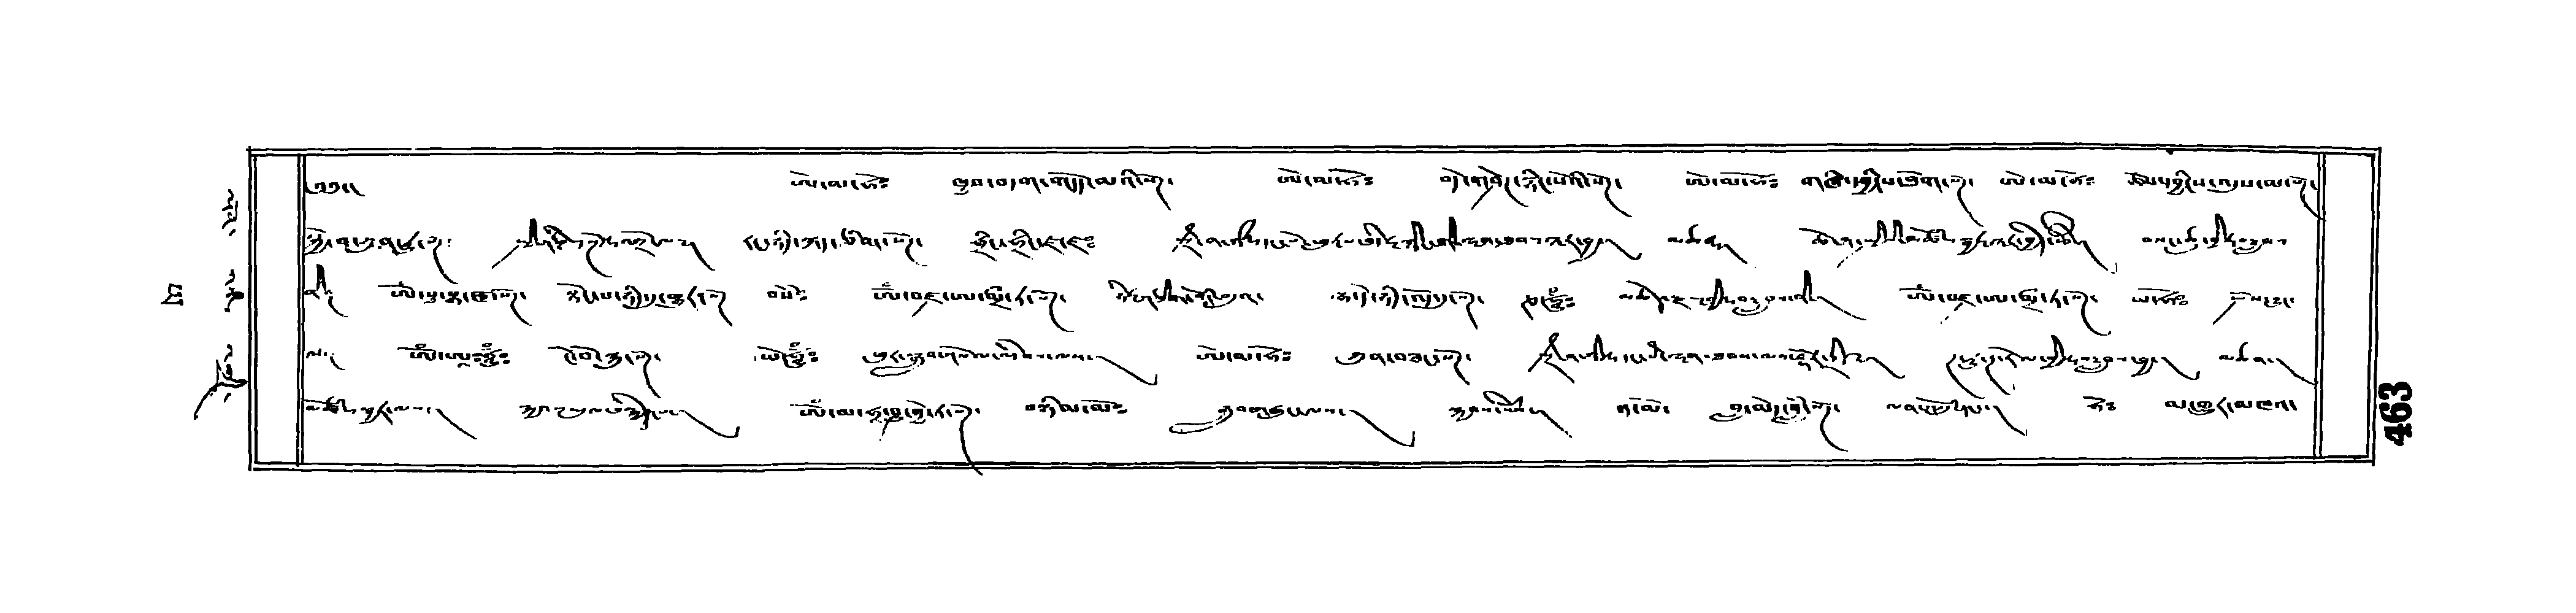ཨེ་མ་ཧོ༔ ཁྱབ་བདག་གདོད་མའི་སོགས། ཨེ་མ་ཧོ༔ བདེ་གཤེགས་སྙིང་པོའི་སོགས། ཨེ་མ་ཧོ༔ གཞི་དབྱིངས་ཐོག་སོགས། ཨེ་མ་ཧོ༔ ཆོས་དབྱིངས་འདུས་མ་སོགས།
སྐྱེ་བ་ཀུན་ཏུ་སོགས། སྤྱི་གཅེས་སྔོན་འགྲོ་ལ། རང་ཉིད་སྐད་ཅིག་སོགས། ཧྲིཾ་ཧྲིཾ་ཛ་ཛཿ སྤྲོ་ན་ཉིན་དང་པོ་ཕུར་བ་བདེར་སྙིང་གི་ལྷན་ཐབས་ལྟར་བྱ། མཆན། ཆོ་ག་སྤྱིའི་མཚམས་སྦྱར་ལྟར་བྱེད་ཚེ། བསང་ཆུ་བྱིན་བརླབ་
ནི། ཨོཾ་སྭ་བྷ་ཝ་སོགས། སྟོང་པ་ཉིད་དུ་གྱུར་སོགས། བསམ༔ ཨོཾ་བཛྲ་ཨ་མྲྀ་ཏ་སོགས། ཉེར་གཅིག་གམ་བདུན། ལྷ་དེ་ཉིད་འོད་དུ་སོགས། ཎ་ཧཱུྃ༔ མཆོད་རྫས་བྱིན་བརླབས་ནི། ཨོཾ་བཛྲ་ཨ་མྲྀ་ཏ་སོགས། ཡ་ཧོཿ སྤོས་ཕྱུང་
ལ། ཨོཾ་ཨཱཿཧཱུྃ༔ ངོ་བོ་སྐུ་སོགས། ཡེ་ཧཱུྃ༔ ཕུར་སྒྲུབ་གསོལ་འདེབས་ལས། ཨེ་མ་ཧོཿ ཀུན་བཟང་སོགས། སྤྲོ་ན་ཉིན་དང་པོ་ལྷན་ཐབས་ལས་རྡོར་དྲིལ། ཌཱ་རུ་རྔ་རོལ་བྱིན་བརླབས་བྱ། མཆན།
མཚམས་སྦྱར་ལས། སྐྱབས་ཡུལ་བསྐྱེད། ཨོཾ་མ་ཧཱ་ཤུ་ནྱེ་ཏ་སོགས། བསྟིམ་མོ༔ སྒྲུབ་གཞུང་ལས། སྐྱབས་སེམས། ན་མོ༔ བླ་མེད་་བླ་མ་སོགས། ལན་གསུམ་དང་། ཧོཿ མ་གྱུར་མཁའ་